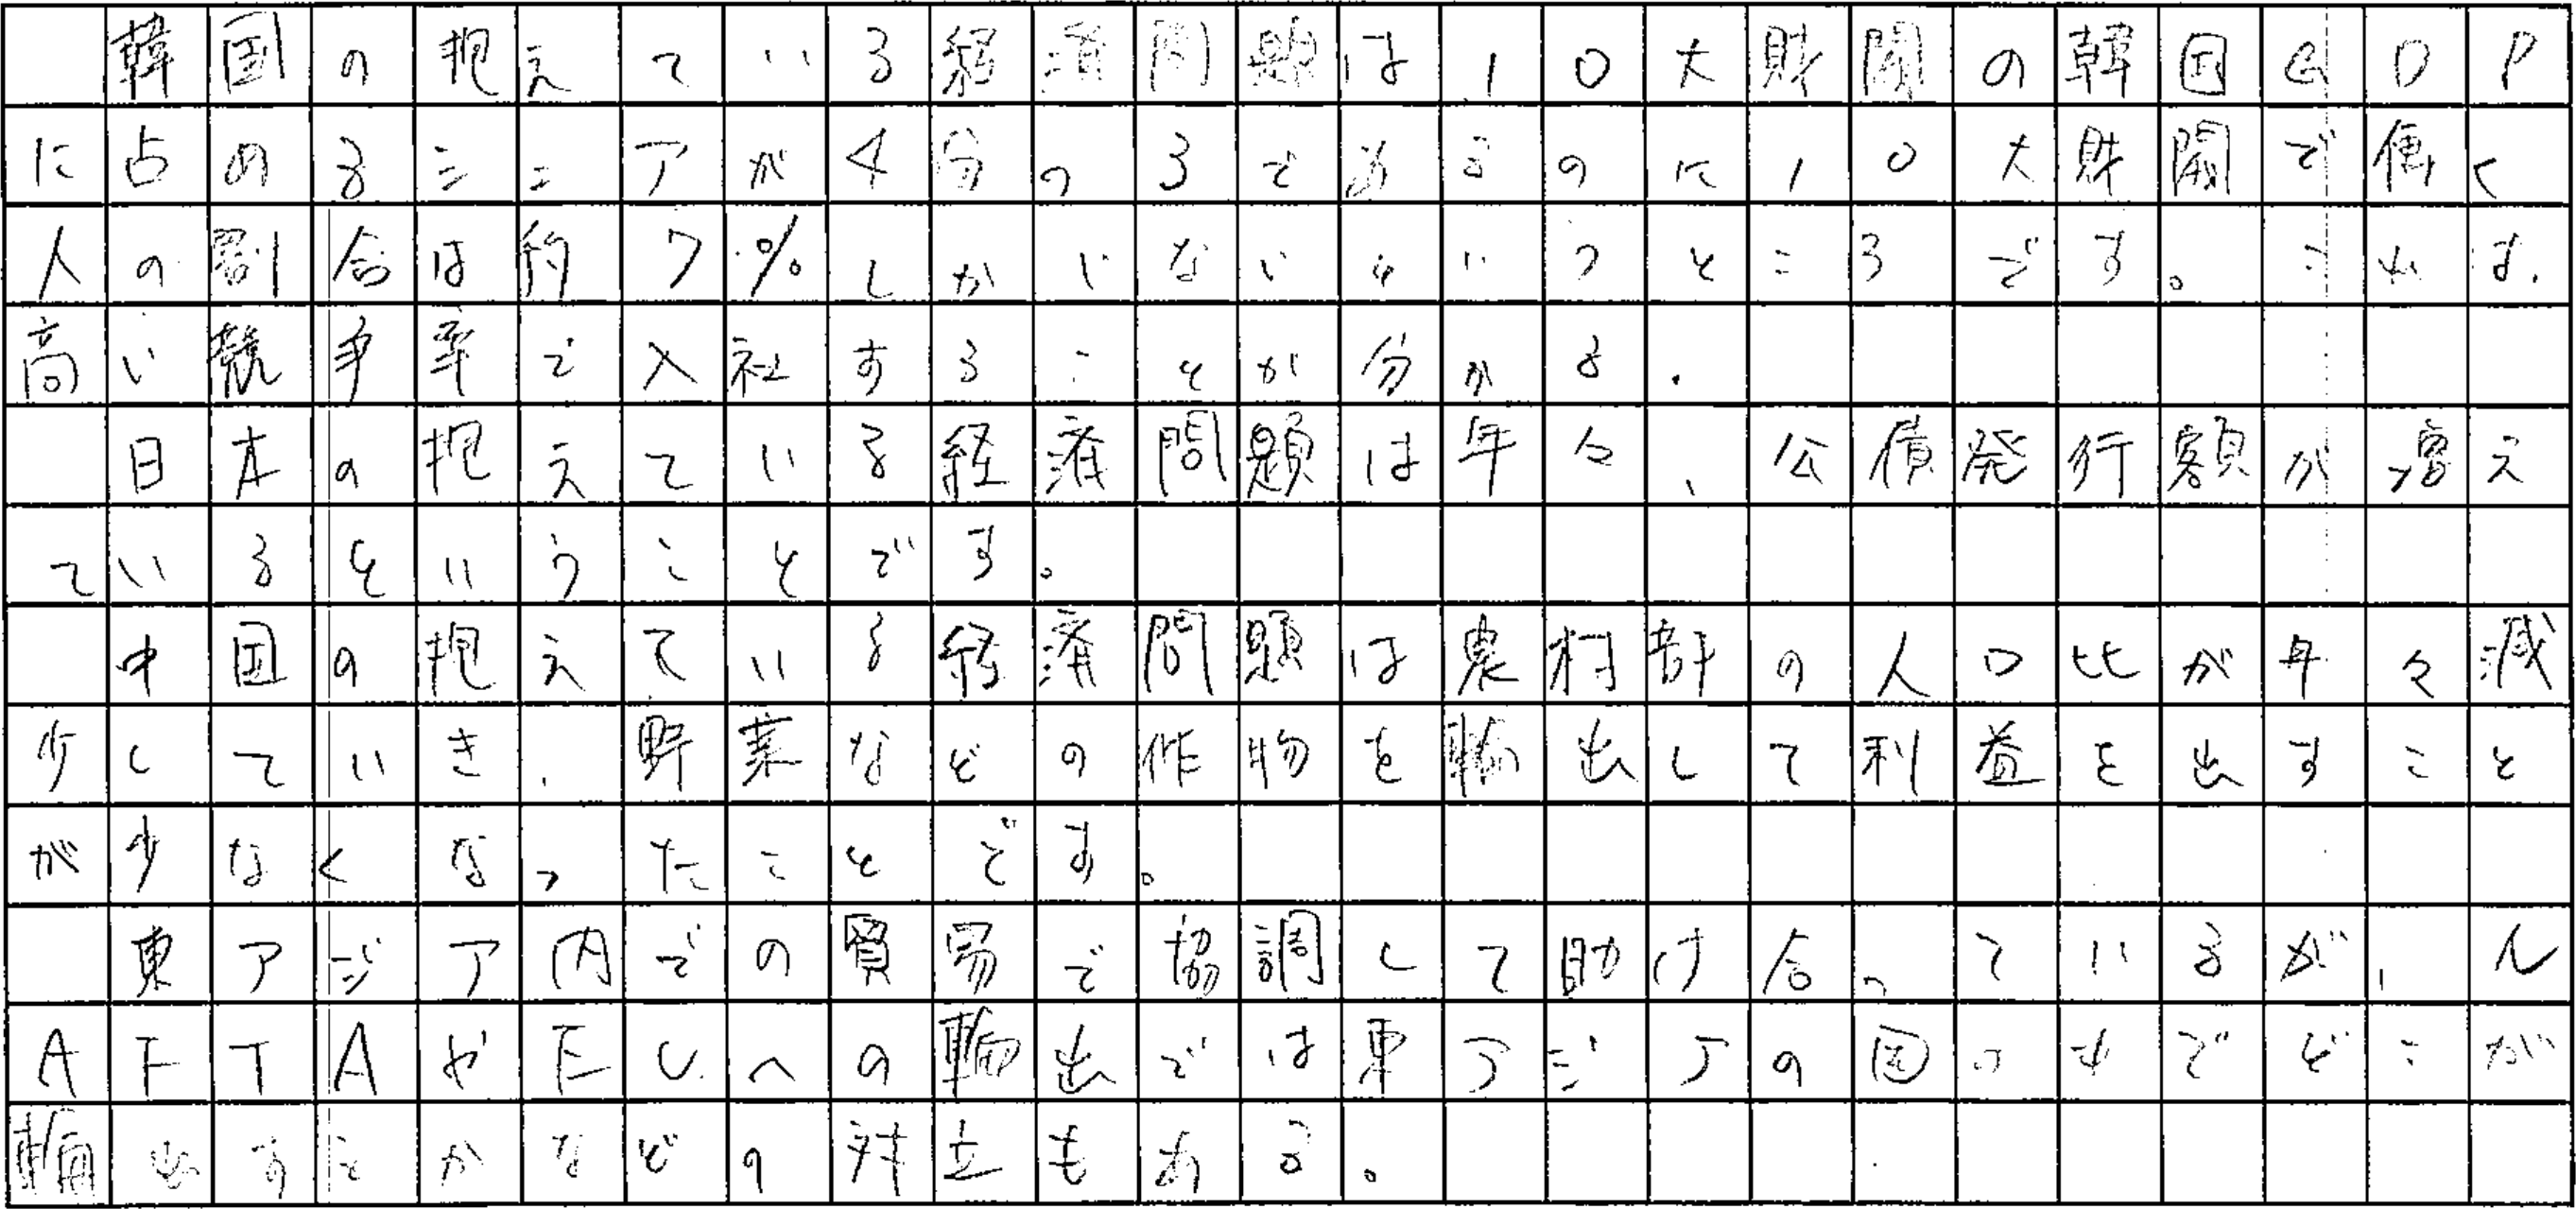　韓国の抱えている経済問題は１０大財閥の韓国ＧＤＰに占めるシェアが４分の３であるのに１０大財閥で働く人の割合は約７％しかいないというところです。これは、高い競争率で入社することが分かる．
　日本の抱えている経済問題は年々、公債発行額が増えているということです。
　中国の抱えている経済問題は農村部の人口比が年々減少していき、野菜などの作物を輪出して利益を出すことが少なくなったことです。
　東アジア内での貿易で協調して助け合っているが、ＮＡＦＴＡやＥＵへの輪出では東アジアの国の中でどこが輪出するかなどの対立もある。
